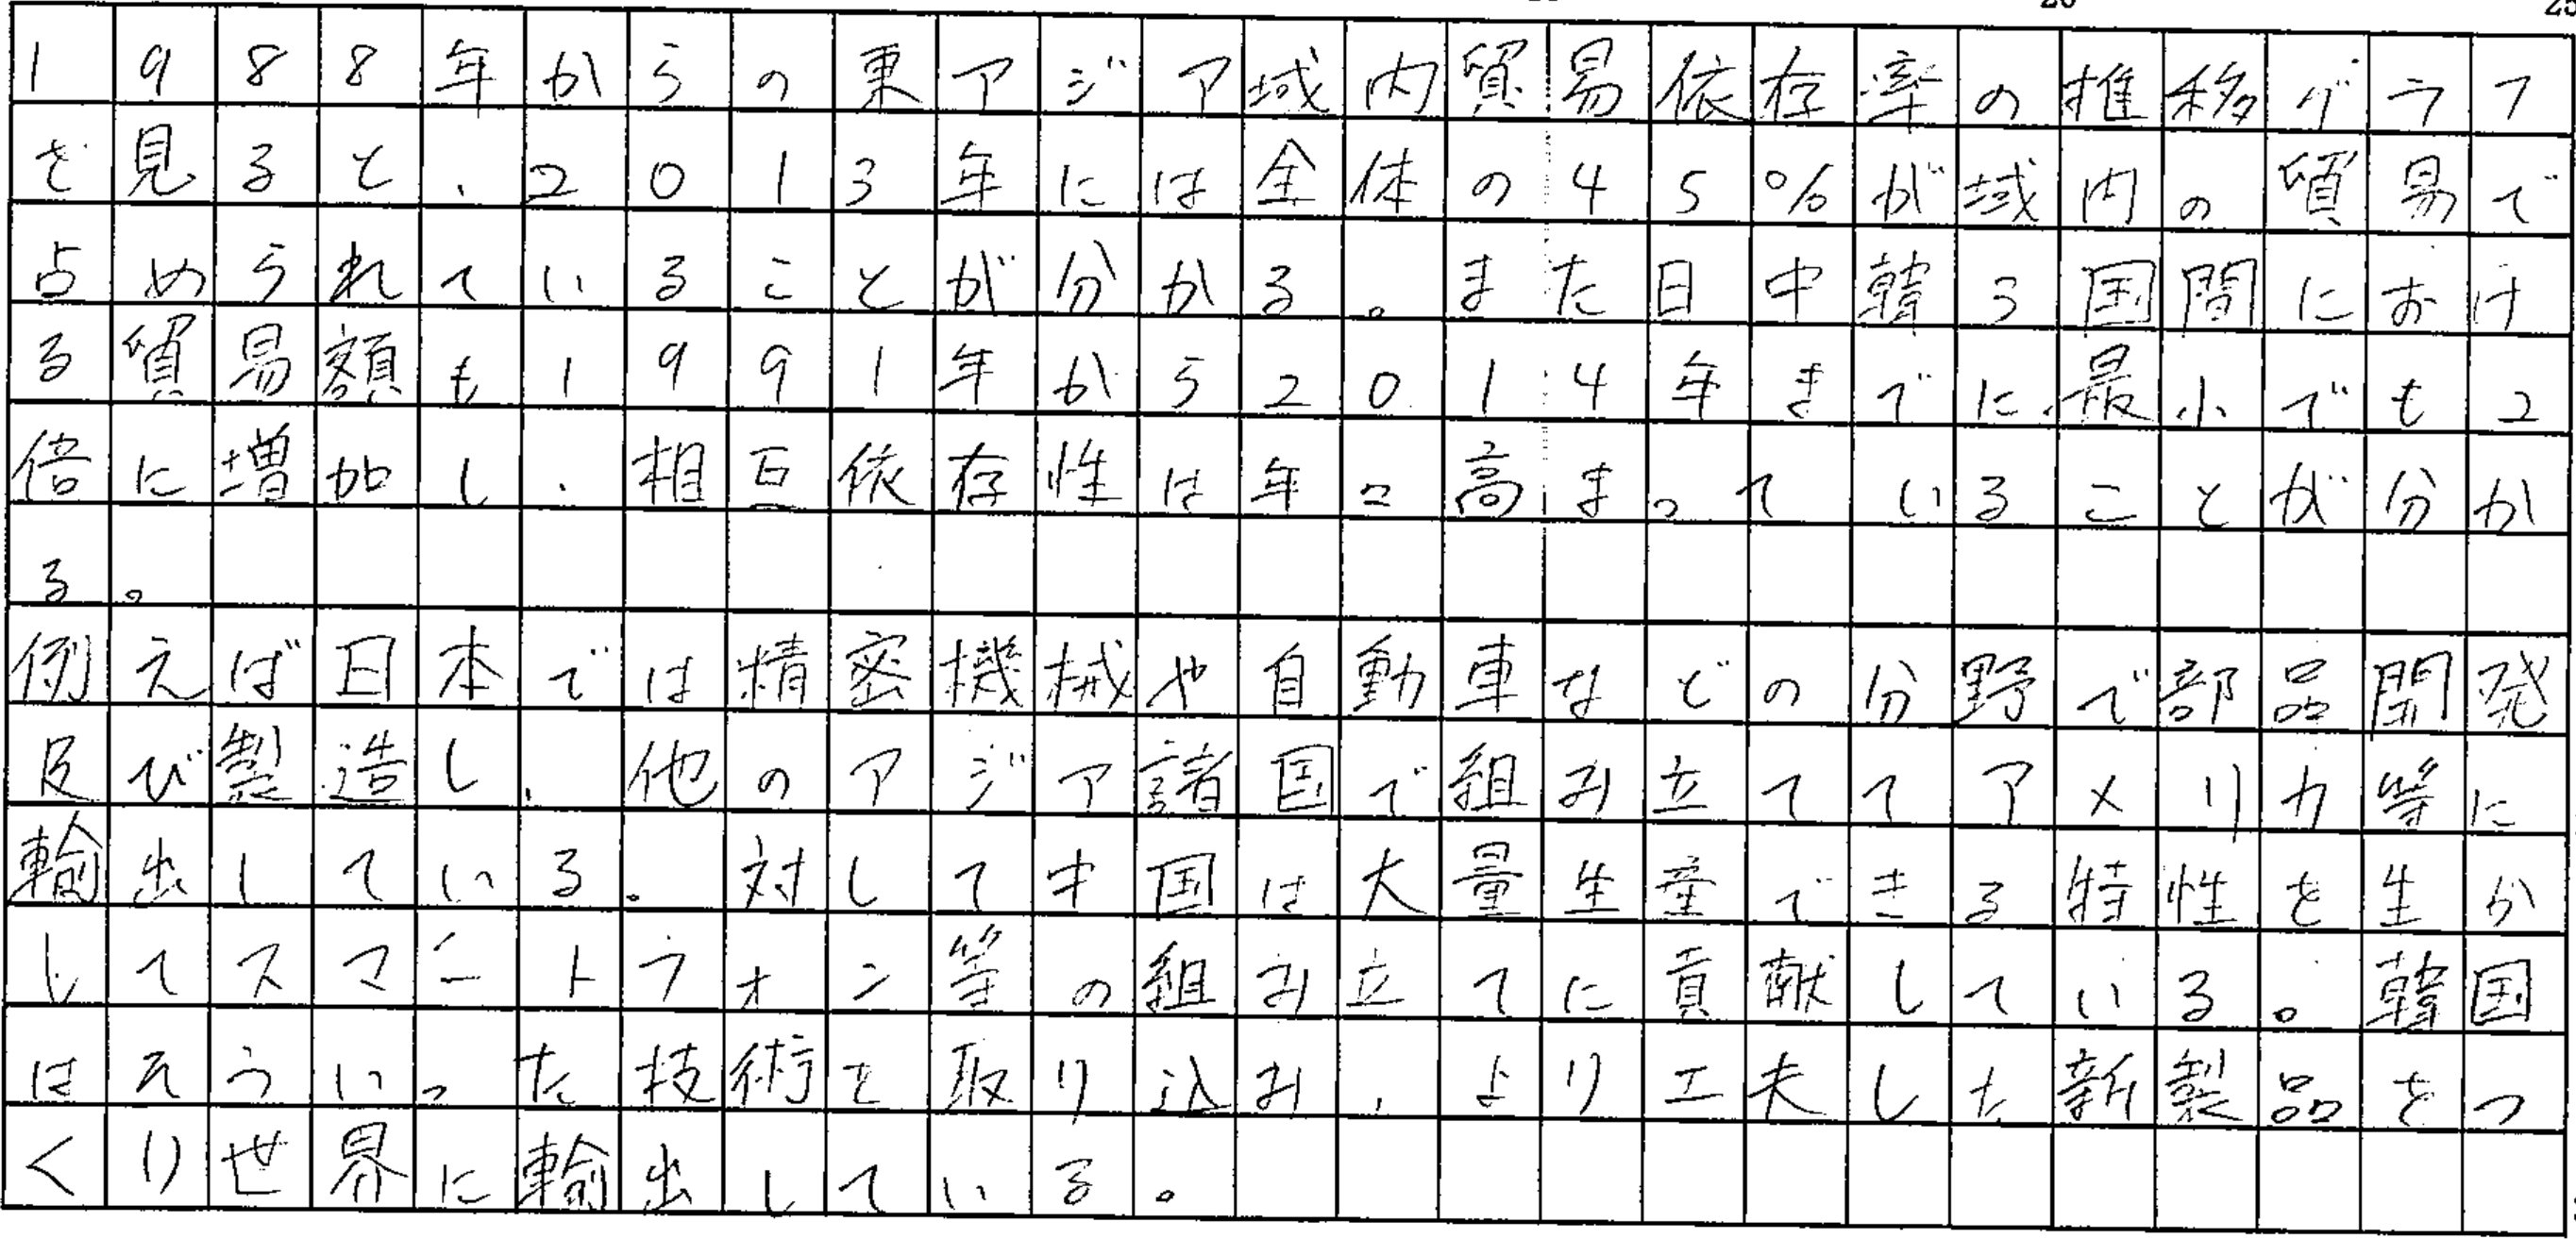１９８８年からの東アジア域内貿易依存率の推移グラフを見ると、２０１３年には全体の４５％が域内の貿易で占められていることが分かる。また日中韓３国間における貿易額も１９９１年から２０１４年までに最小でも２倍に増加し、相互依存性は年々高まっていることが分かる。
例えば日本では精密機械や自動車などの分野で部品開発及び製造し、他のアジア諸国で組み立ててアメリカ等に輸出している。対して中国は大量生産できる特性を生かしてスマートフォン等の組み立てに貢献している。韓国はそういった技術を取り込み，より工夫した新製品をつくり世界に輸出している。
